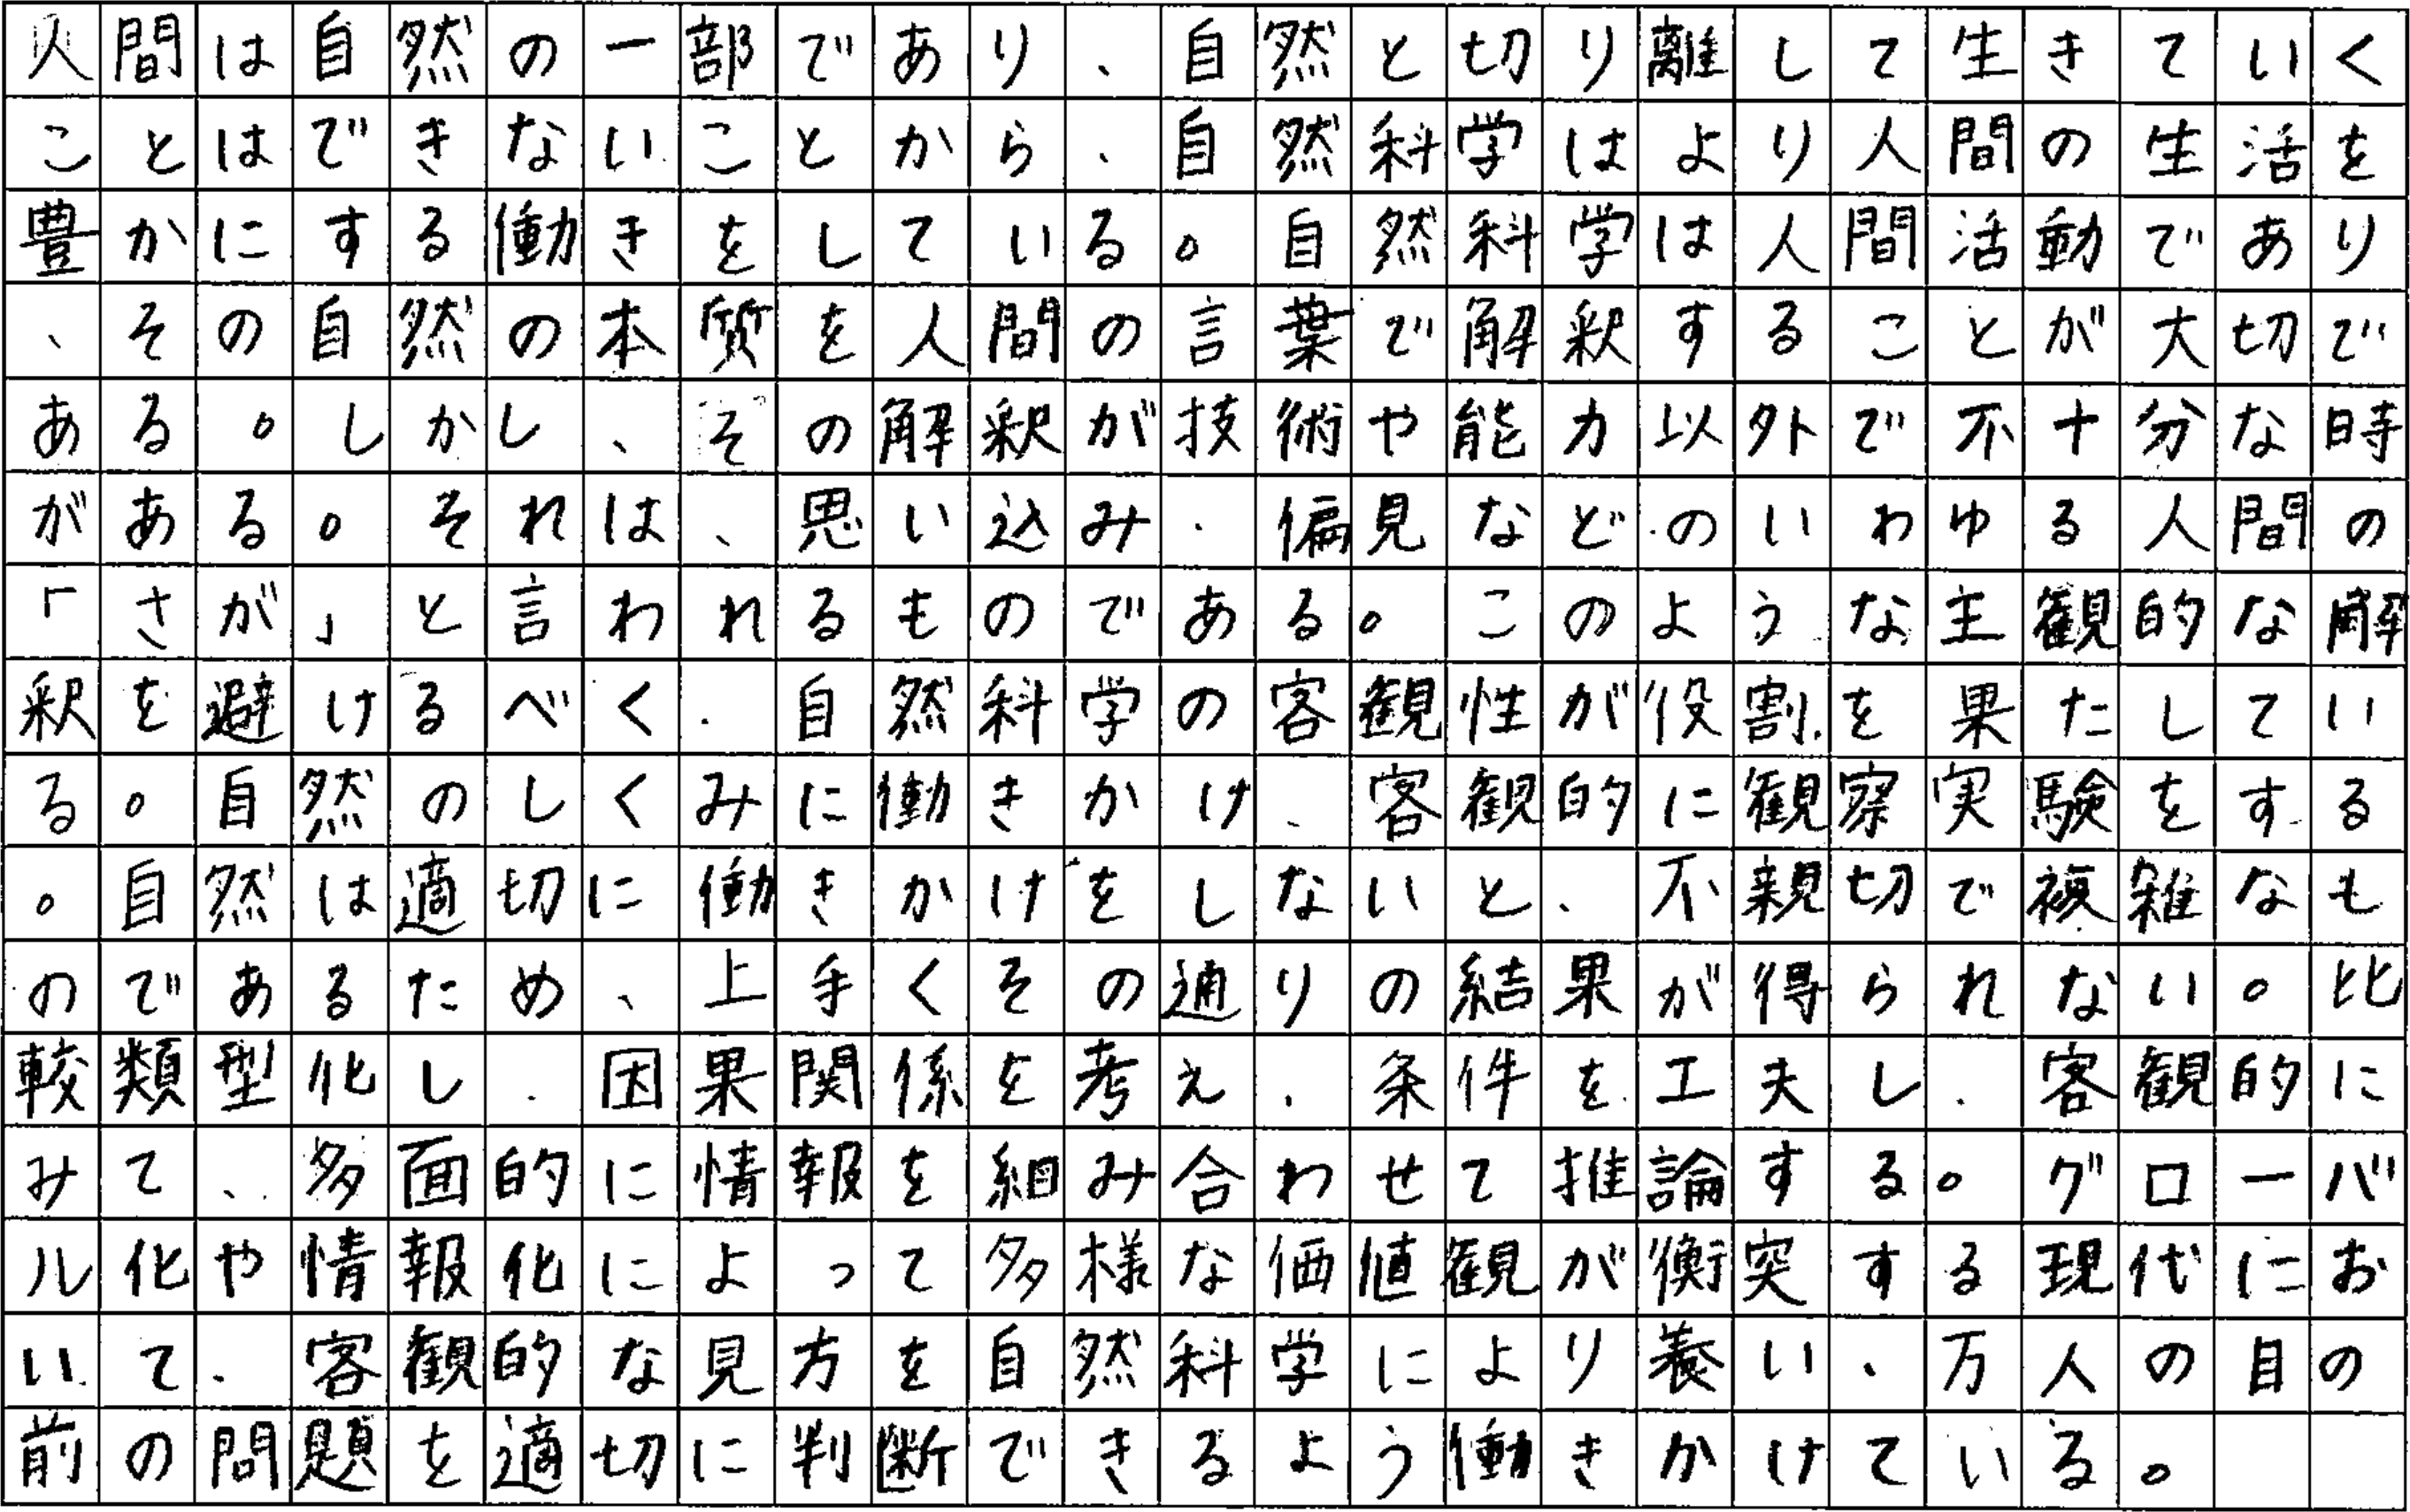人間は自然の一部であり、自然と切り離して生きていくことはできないことから、自然科学はより人間の生活を豊かにする働きをしている。自然科学は人間活動であり、その自然の本質を人間の言葉で解釈することが大切である。しかし、その解釈が技術や能力以外で不十分な時がある。それは、思い込み・偏見などのいわゆる人間の「さが」と言われるものである。このような主観的な解釈を避けるべく、自然科学の客観性が役割を果たしている。自然のしくみに働きかけ、客観的に観察実験をする。自然は適切に働きかけをしないと、不親切で複雑なものであるため、上手くその通りの結果が得られない。比較類型化し、因果関係を考え、条件を工夫し、客観的にみて、多面的に情報を組み合わせて推論する。グローバル化や情報化によって多様な価値観が衡突する現代において、客観的な見方を自然科学により養い、万人の目の前の問題を適切に判断できるよう働きかけている。
